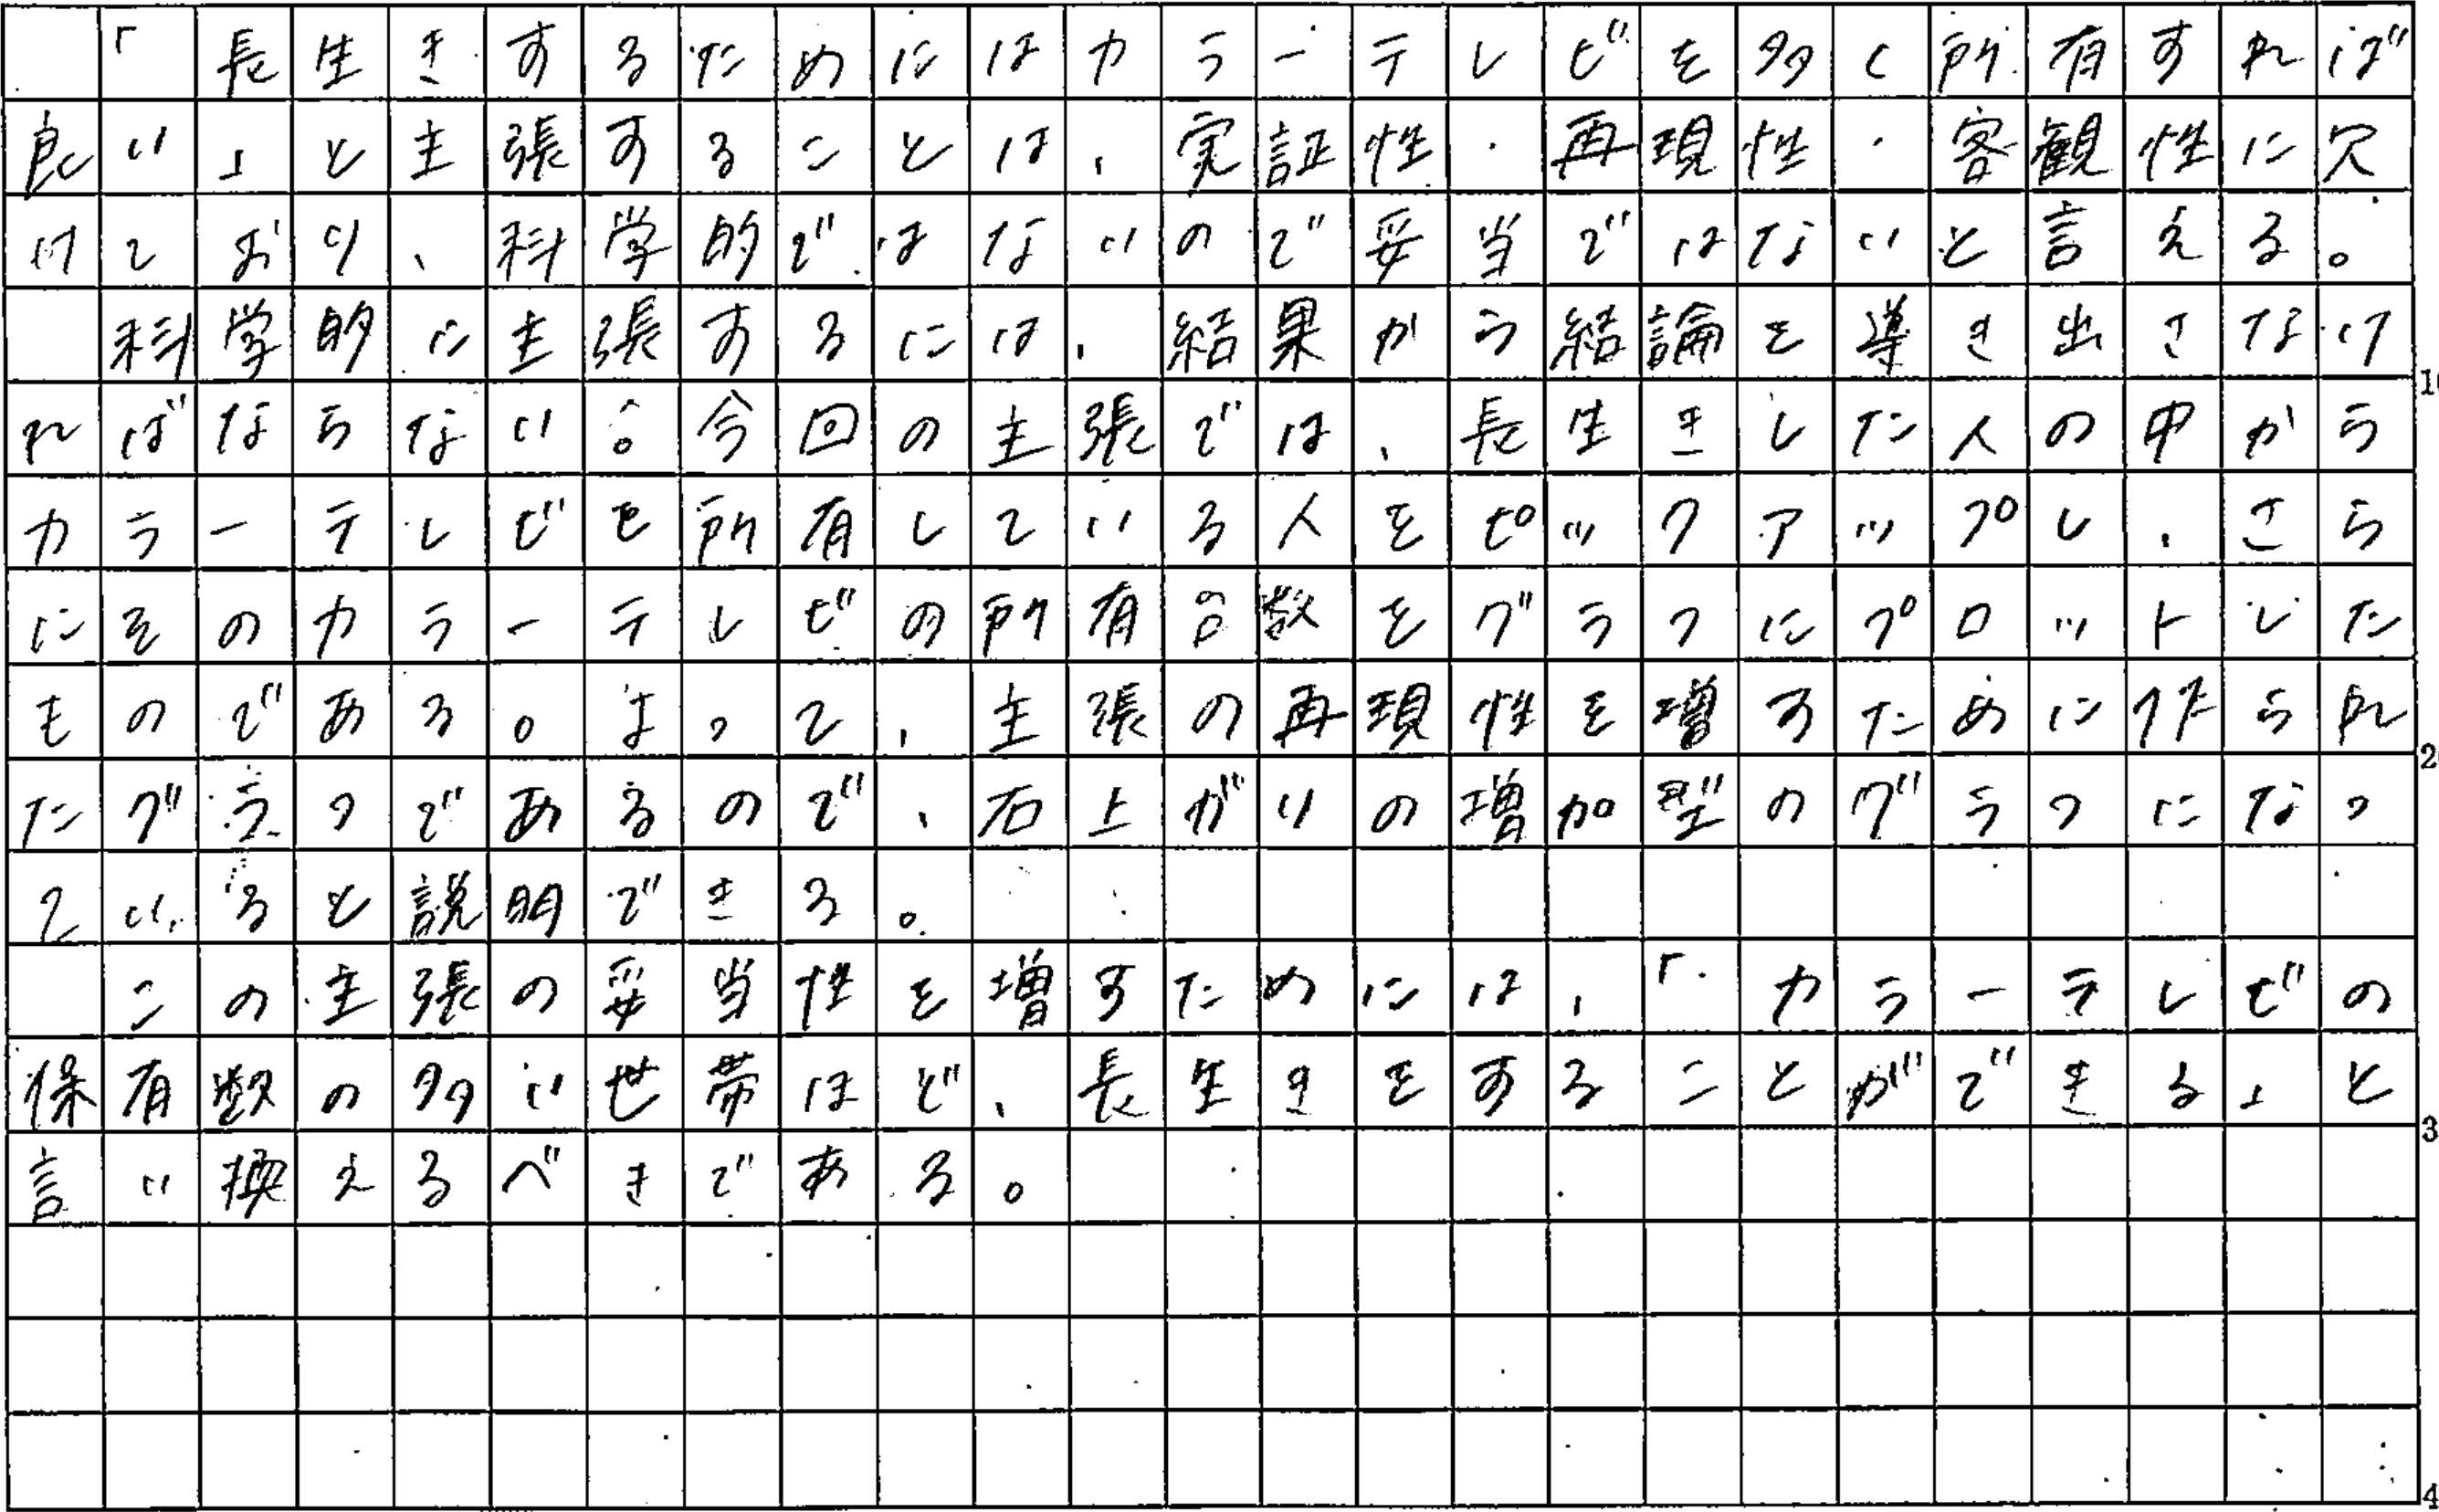　「長生きするためにはカラーテレビを多く所有すれば良い」と主張することは、実証性・再現性・客観性に欠けており、科学的ではないので妥当ではないと言える。
　科学的に主張するには、結果から結論を導き出さなければならない。今回の主張では、長生きした人の中からカラーテレビを所有している人をピックアップし、さらにそのカラーテレビの所有台数をグラフにプロットしたものである。よって、主張の再現性を増すために作られたグラフであるので、右上がりの増加型のグラフになっていると説明できる。
　この主張の妥当性を増すためには、「カラーテレビの保有数の多い世帯ほど、長生きをすることができる」と言い換えるべきである。
